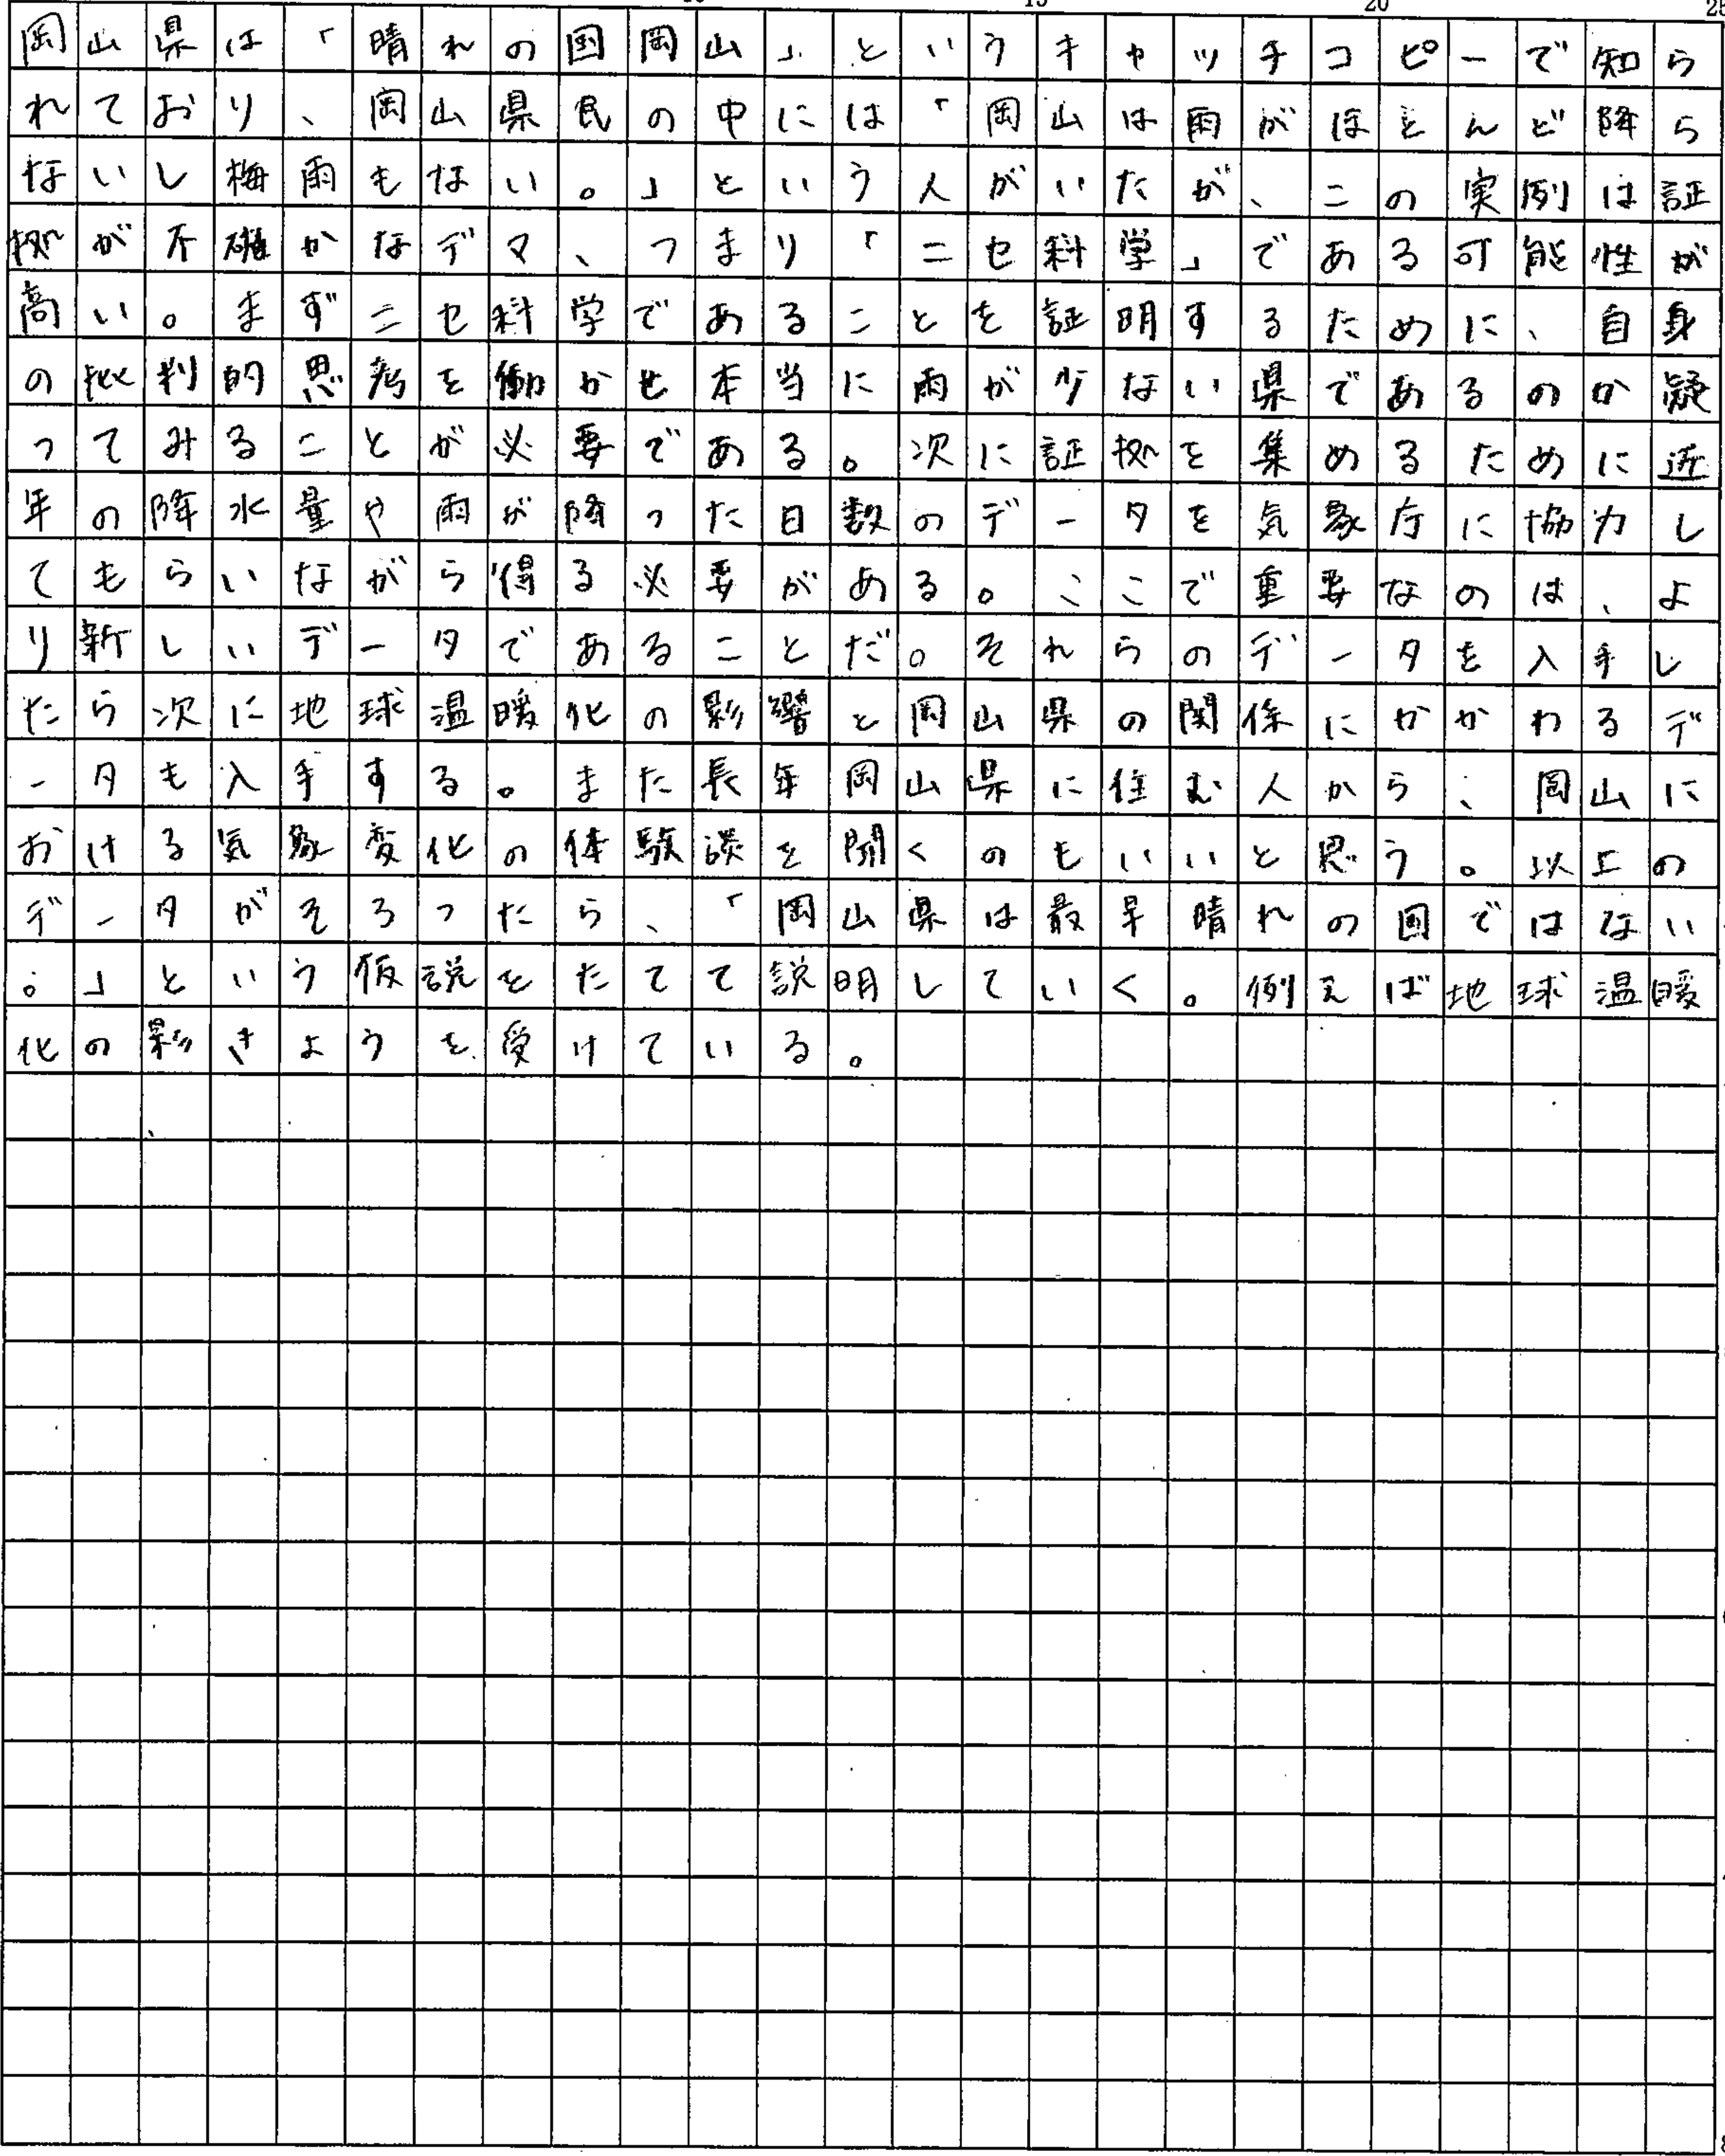岡山県は「晴れの国岡山」というキャッチコピーで知られており、岡山県民の中には「岡山は雨がほとんど降らないし梅雨もない。」という人がいたが、この実例は証拠が不確かなデマ、つまり「ニセ科学」である可能性が高い。まずニセ科学であることを証明するために、自身の批判的思考を働かせ本当に雨が少ない県であるのか疑ってみることが必要である。次に証拠を集めるために近年の降水量や雨が降った日数のデータを気象庁に協力してもらいながら得る必要がある。ここで重要なのは、より新しいデータであることだ。それらのデータを入手したら次に地球温暖化の影響と岡山県の関係にかかわるデータも入手する。また長年岡山県に住む人から、岡山における気象変化の体験談を聞くのもいいと思う。以上のデータがそろったら、「岡山県は最早晴れの国ではない。」という仮説をたてて説明していく。例えば地球温暖化の影きょうを受けている。
